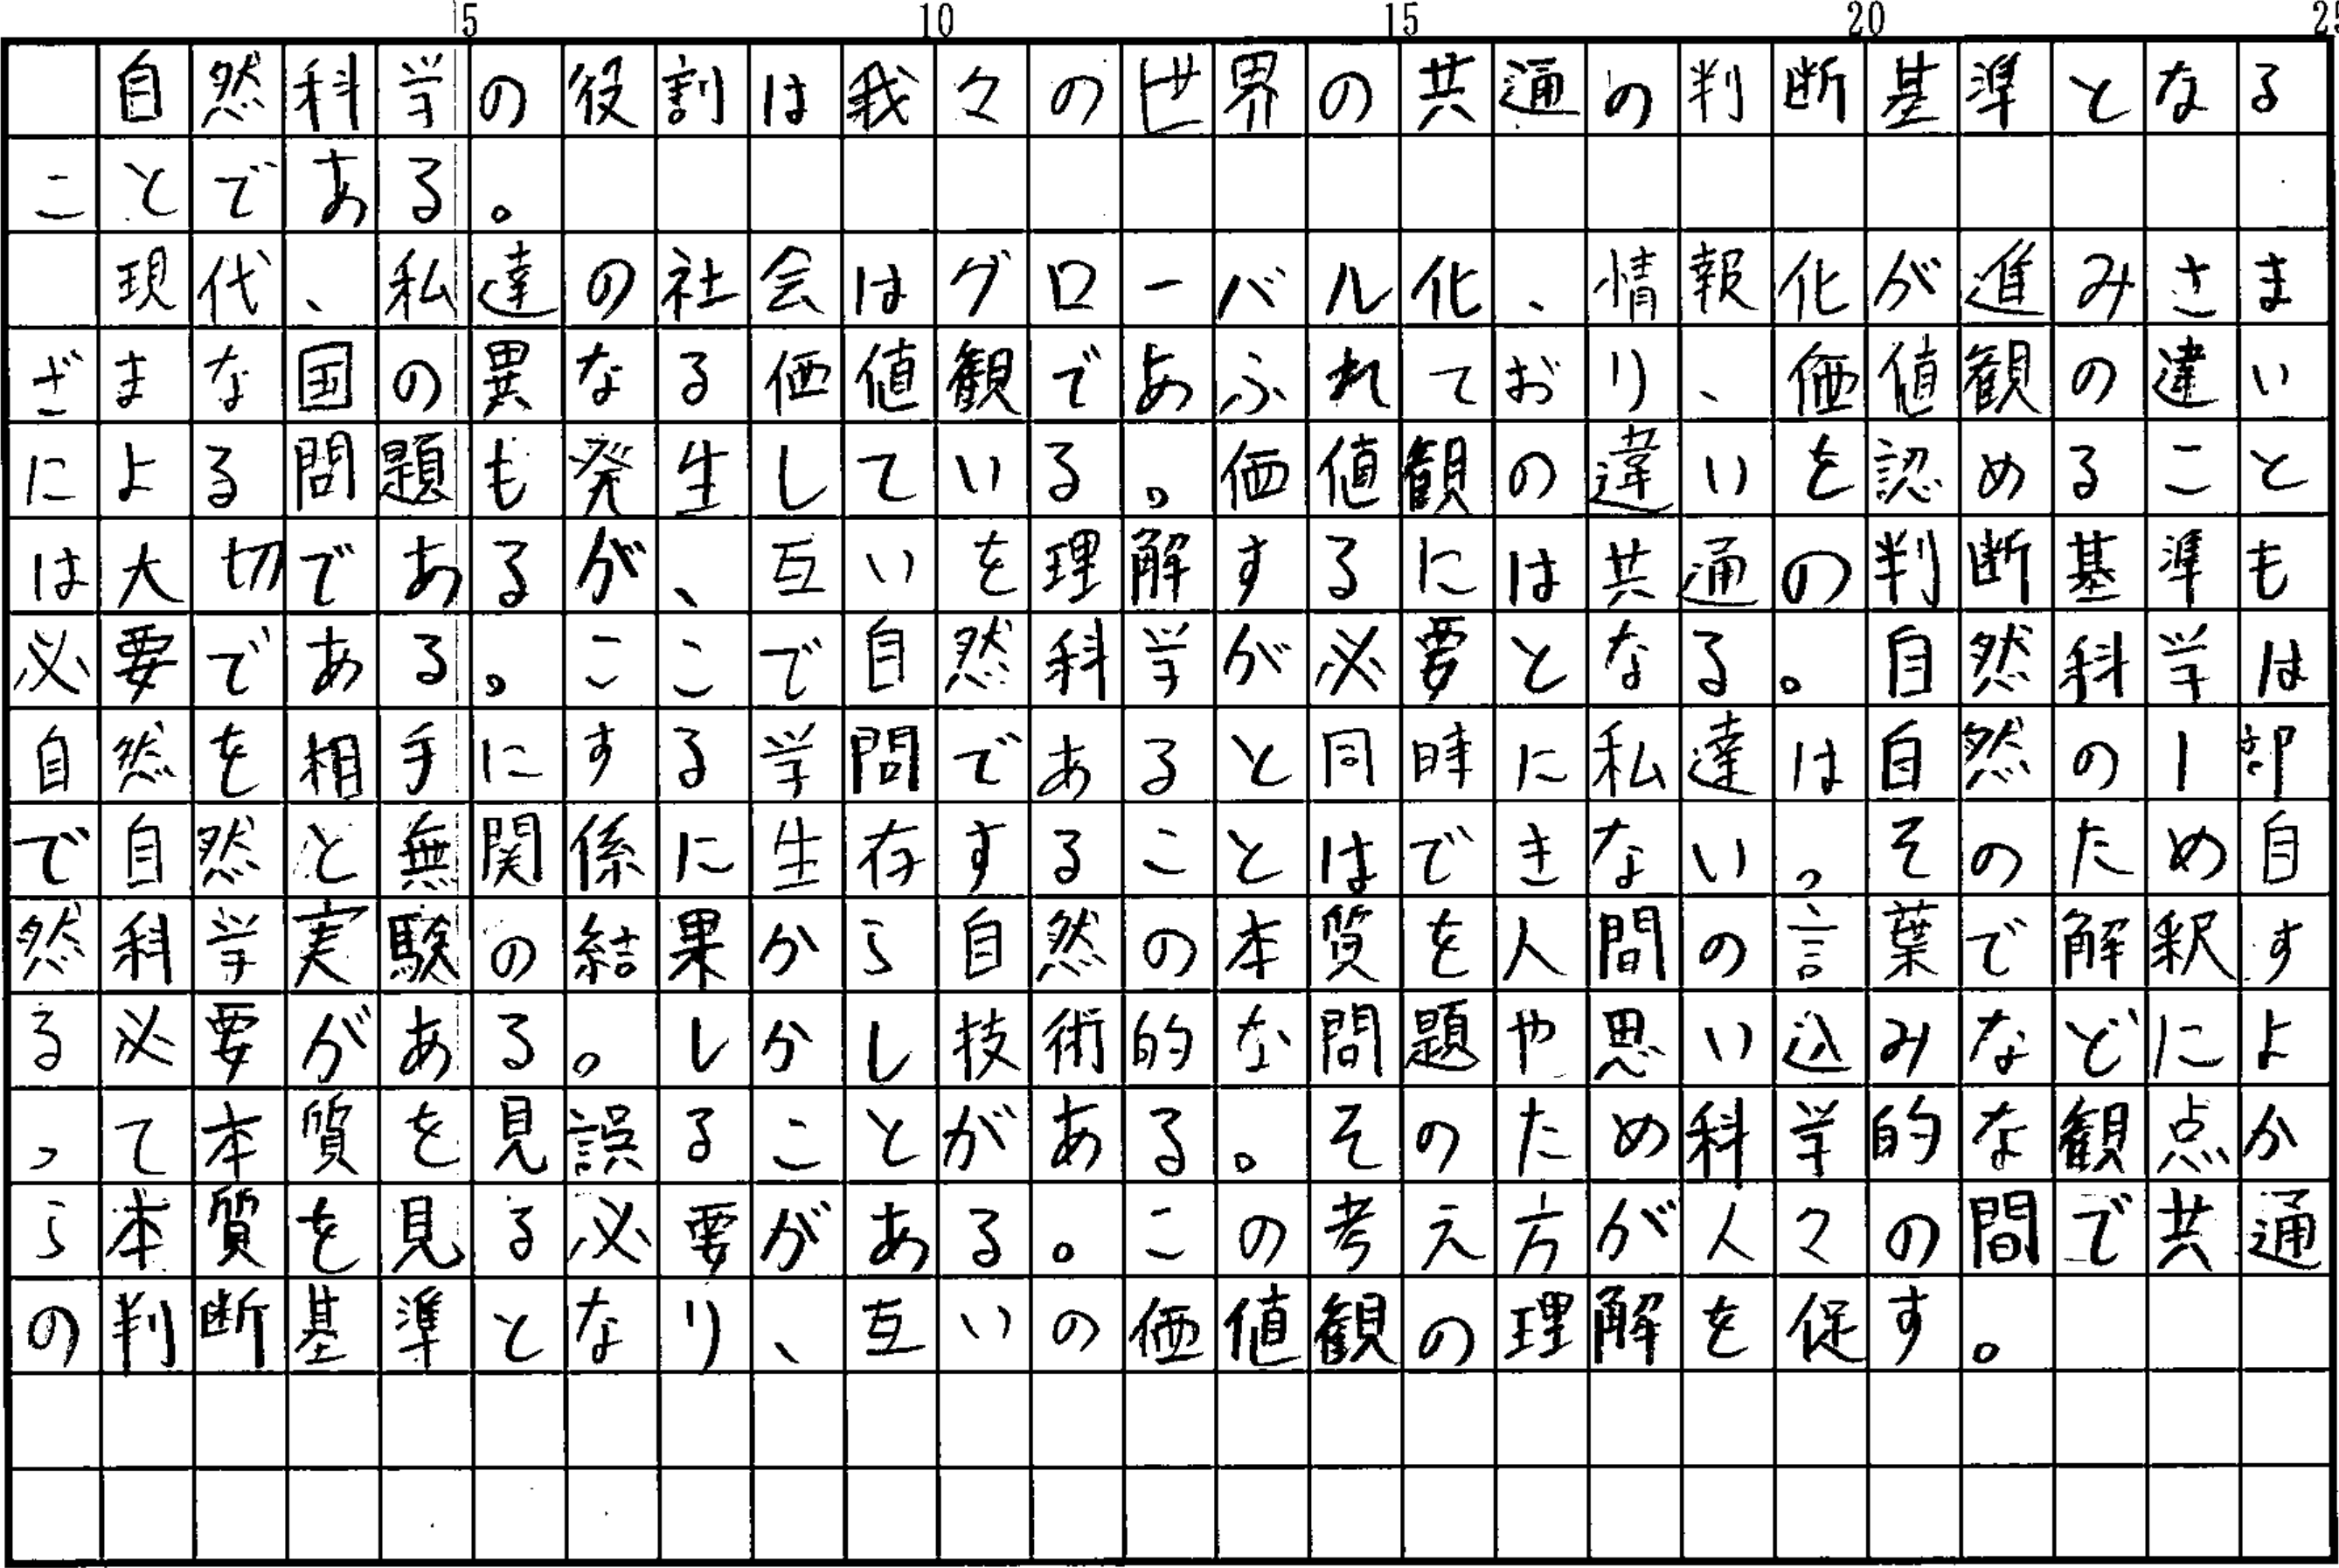　自然科学の役割は我々の世界の共通の判断基準となることである。
　現代、私たちの社会はグローバル化、情報化が進みさまざまな国の異なる価値観であふれており、価値観の違いによる問題も発生している。価値観の違いを認めることは大切であるが、互いを理解するには共通の判断基準も必要である。ここで自然科学が必要となる。自然科学は自然を相手にする学問であると同時に私達は自然の１部で自然と無関係に生存することはできない。そのため自然科学実験の結果から自然の本質を人間の言葉で解釈する必要がある。しかし技術的な問題や思い込みなどによって本質を見誤ることがある。そのため科学的な観点から本質を見る必要がある。この考え方が人々の間で共通の判断基準となり、互いの価値観の理解を促す。
